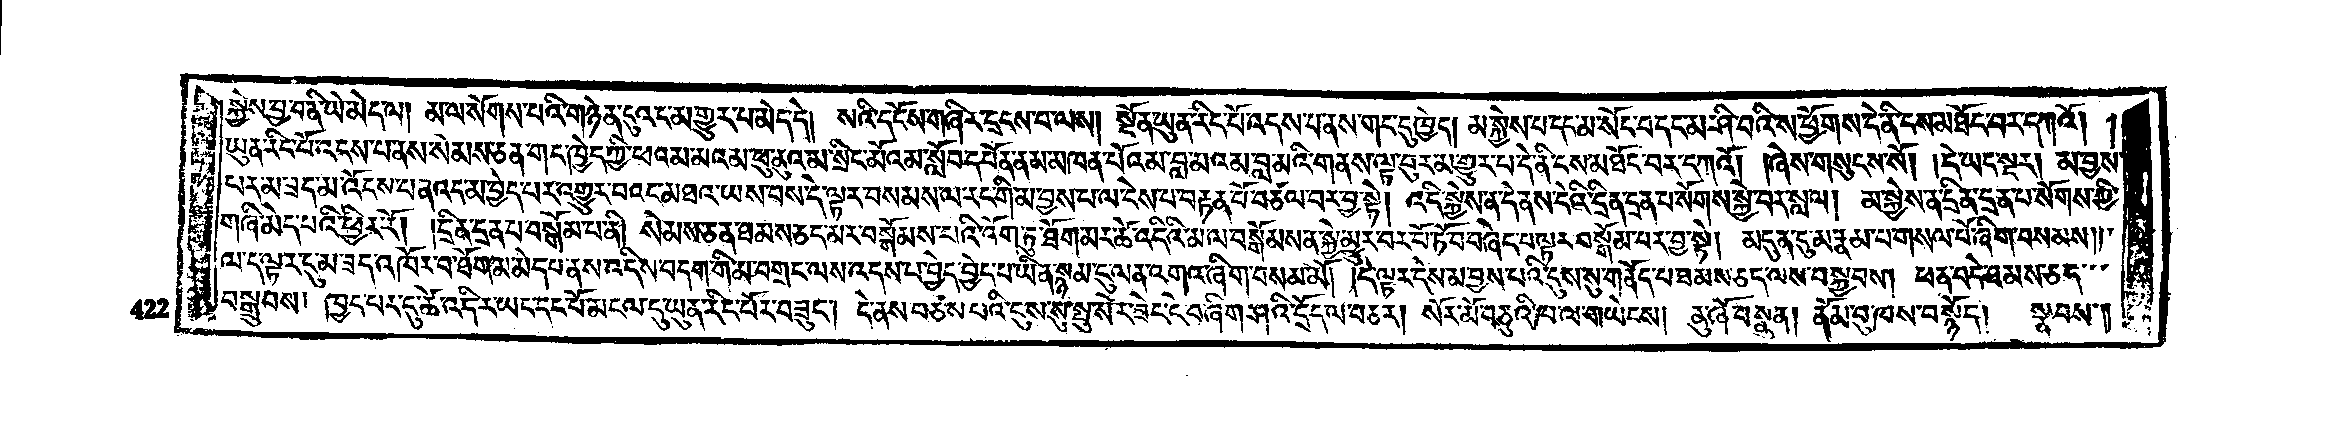སྐྱེས་བྱ་བ་ནི་ཡེ་མེད་ལ། མ་ལ་སོགས་པའི་གཉེན་དུའང་མ་གྱུར་པ་མེད་དེ། སའི་དངོས་གཞིར་དྲངས་པ་ལས། སྔོན་ཡུན་རིང་པོ་འདས་པ་ནས་གང་དུ་ཁྱེད། མ་སྐྱེས་པ་དང་མ་སོང་བ་དང་མ་ཤི་བའི་ས་ཕྱོགས་དེ་ནི་ངས་མཐོང་བར་དཀའོ། །
ཡུན་རིང་པོ་འདས་པ་ནས་སེམས་ཅན་གང་ཁྱེད་ཀྱི་ཕའམ་མའམ་ཕུ་ནུའམ་སྲིང་མོའམ་སློབ་དཔོན་ནམ་མཁན་པོའམ་བླ་མའམ་བླ་མའི་གནས་ལྟ་བུར་མ་གྱུར་པ་དེ་ནི་ངས་མཐོང་བར་དཀའོ། །ཞེས་གསུངས་སོ། །དེ་ཡང་སྔར། མ་བྱས་
བར་མ་ཟད་མ་འོངས་པ་ནའང་མ་བྱེད་པར་འགྱུར་བའང་མཐའ་ཡས་པས་དེ་ལྟར་བསམས་ལ་རང་གི་མ་བྱས་པ་ལ་ངེས་པ་བརྟན་པོ་བཙལ་བར་བྱ་སྟེ། འདི་སྐྱེས་ན་དེ་ནས་དེའི་དྲིན་དྲན་པ་སོགས་སྐྱེ་བར་སླ་ལ། མ་སྐྱེས་ན་དྲིན་དྲན་པ་སོགས་ཀྱི་
གཞི་མེད་པའི་ཕྱིར་རོ། །དྲིན་དྲན་པ་བསྒོམ་པ་ནི། སེམས་ཅན་ཐམས་ཅད་མར་བསྒོམས་པའི་འོག་ཏུ་ཐོག་མར་ཚེ་འདིའི་མ་ལ་བསྒོམས་ན་སྐྱེ་མྱུར་བར་བོ་ཏོབ་བཞེད་པ་ལྟར་བསྒོམ་པར་བྱ་སྟེ། མདུན་དུ་མ་རྣམ་པ་གསལ་པོ་ཞིག་བསམས་
ལ་བལྟར་དུ་མ་ཟད་འཁོར་བ་ཐོག་མ་མེད་པ་ནས་འདིས་བདག་གི་མ་བགྲང་ལས་འདས་པ་བྱེད་བྱེད་པ་ཡིན་སྙམ་དུ་ལན་འགའ་ཞིག་བསམ་མོ། །དེ་ལྟར་དེས་མ་བྱས་པའི་དུས་སུ་གནོད་པ་ཐམས་ཅད་ལས་བསྐྱབས། ཕན་བདེ་ཐམས་ཅད་
བསྒྲུབས། ཁྱད་པར་དུ་ཚེ་འདིར་ཡང་དང་པོ་མང་ལ་དུ་ཡུན་རིང་པོར་བཟུང་། དེ་ནས་བཙས་པའི་དུས་སུ་སྤུ་སེར་ཟེང་ངེ་བཞིག་ཤའི་དྲོད་ལ་བཅར། སོར་མོ་བཅུའི་ཁ་ལ་གཡེངས། ནུ་ཞོ་བསྣུན། ནོམ་བུ་ཁས་བསྙོད། སྣབས་